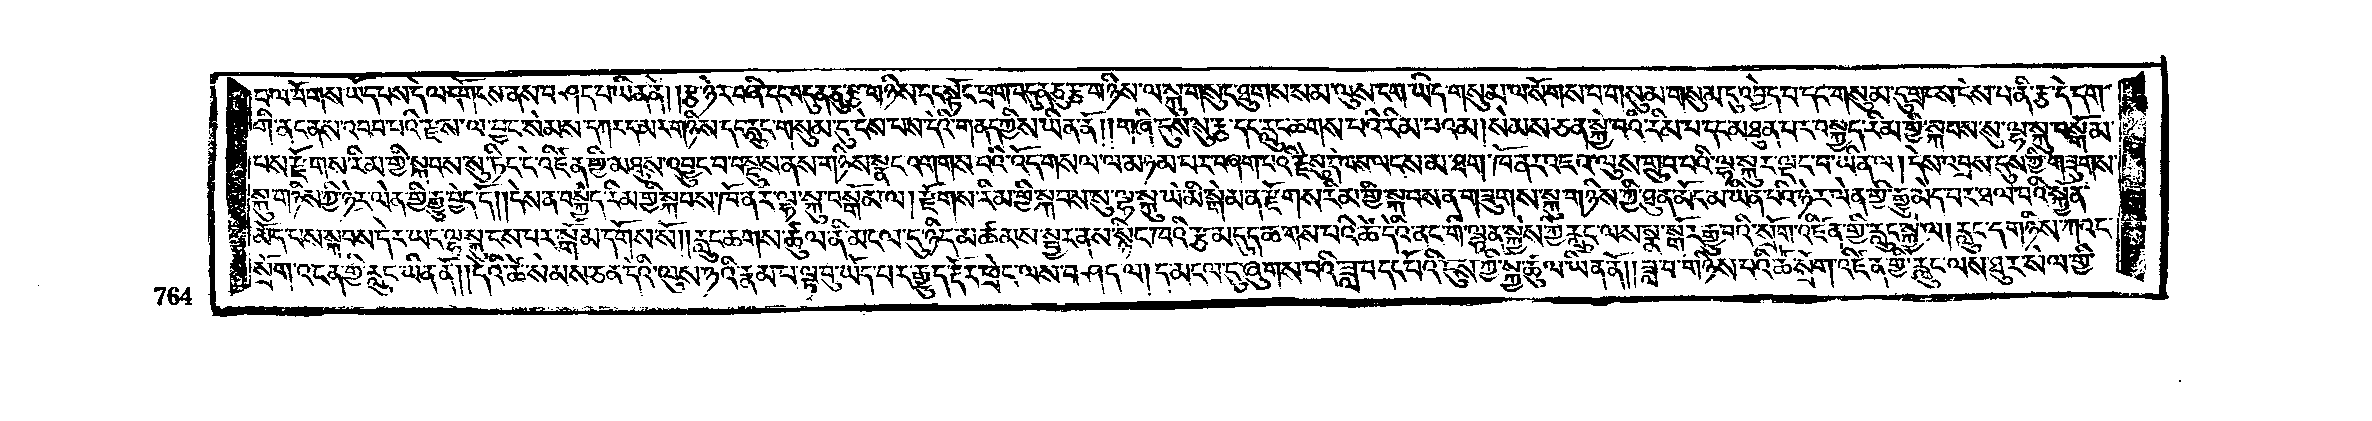བ་ལ་བོགས་ཡོད་པས་དེ་ལ་དགོངས་ནས་བཤད་པ་ཡིན་ནོ། །རྩ་ཉེར་བཞི་དང་བདུན་ཅུ་རྩ་གཉིས་དང་སྟོང་ཕྲག་བདུན་ཅུ་རྩ་གཉིས་ལ་སྐུ་གསུང་ཐུགས་སམ་ལུས་ངག་ཡིད་གསུམ་ལ་སོགས་པ་གསུམ་གསུམ་དུ་འབྱུང་བ་དང་གསུམ་དུ་གྲངས་ངེས་པ་ནི་རྩ་དེ་དག་
གི་ནང་ནས་འབབ་པའི་རྫས་ལ་བྱང་སེམས་དཀར་དམར་གཉིས་དང་རླུང་གསུམ་དུ་ངེས་པས་དེའི་གནད་ཀྱིས་ཡིན་ནོ། །གཞི་དུས་སུ་རྩ་དང་རླུང་ཆགས་པའི་རིམ་པའམ། སེམས་ཅན་སྐྱེ་བའི་རིམ་པ་དང་མཐུན་པར་བསྐྱད་རིམ་གྱི་སྐབས་སུ་ལྷ་སྐུ་བསྒོམ་
པས་རྫོགས་རིམ་གྱི་སྐབས་སུ་ཏིང་ངེ་འཛིན་གྱི་མཐུས་འབྱུང་བ་བསྡུས་ནས་གཉིས་སྣང་འགགས་པའི་འདོད་གསལ་ལ་མཉམ་པར་བཞག་པའི་རྗེས་སུ་དེ་ལས་ལངས་མ་ཐོག་ཁོ་ནར་འཇའ་ལུས་གྲུབ་པའི་ལྷ་སྐུར་ལྡང་བ་ཡིན་ལ། དེས་འབྲས་དུས་ཀྱི་གཟུགས་
སྐུ་གཉིས་ཀྱི་ཉེར་ལེན་གྱི་རྒྱུ་བྱེད་དོ། །དེས་ན་བསྐྱེད་རིམ་གྱི་སྐབས་ཁོ་ནར་ལྷ་སྐུ་བསྒོམ་ལ། རྫོགས་རིམ་གྱི་སྐབས་སུ་ལྷ་སྐུ་ཡེ་མི་སྒོམ་ན་རྫོགས་རིམ་གྱིས་སྐབས་ན་གཟུགས་སྐུ་གཉིས་ཀྱི་ཐུན་མོང་མ་ཡིན་པའི་ཉེར་ལེན་གྱི་རྒྱུ་མེད་པར་ཐལ་བའི་སྐྱོན་
མོད་པས་སྐབས་དེར་ཡང་ལྷ་སྐུ་ངས་པར་སྒོམ་དགོས་སོ། །རླུང་ཆགས་ཚུལ་ནི་མངལ་དུ་ཉིད་མཚམས་སྦྱར་ནས་སྙིང་ཁའི་རྩ་མདུད་ཆགས་པའི་ཚེ་དེའི་ནང་གི་ལྷན་སྐྱེས་ཀྱི་རླུང་ལས་སྣ་སྒོར་རྒྱུ་བའི་སྲོག་འཛིན་གྱི་རླུང་སྐྱེ་ལ། རླུང་ད་གཉིས་ཀའང་
སྲོག་འཛིན་གྱི་རླུང་ཡིན་ནོ། །དེའི་ཚེ་སེམས་ཅན་དེའི་ལུས་ཉའི་རྣམ་པ་ལྟ་བུ་ཡོད་པར་རྒྱུད་རྡོར་ཕྲེང་ལས་བཤད་ལ། ད་མངལ་དུ་ཞུགས་པའི་ཟླ་བ་དང་པོའི་དུས་ཀྱི་སྐྱེ་ཚུལ་ཡིན་ནོ། །ཟླ་བ་གཉིས་པའི་ཚེ་སྲོག་འཛིན་གྱི་རླུང་ལས་ཐུར་སེལ་གྱི་